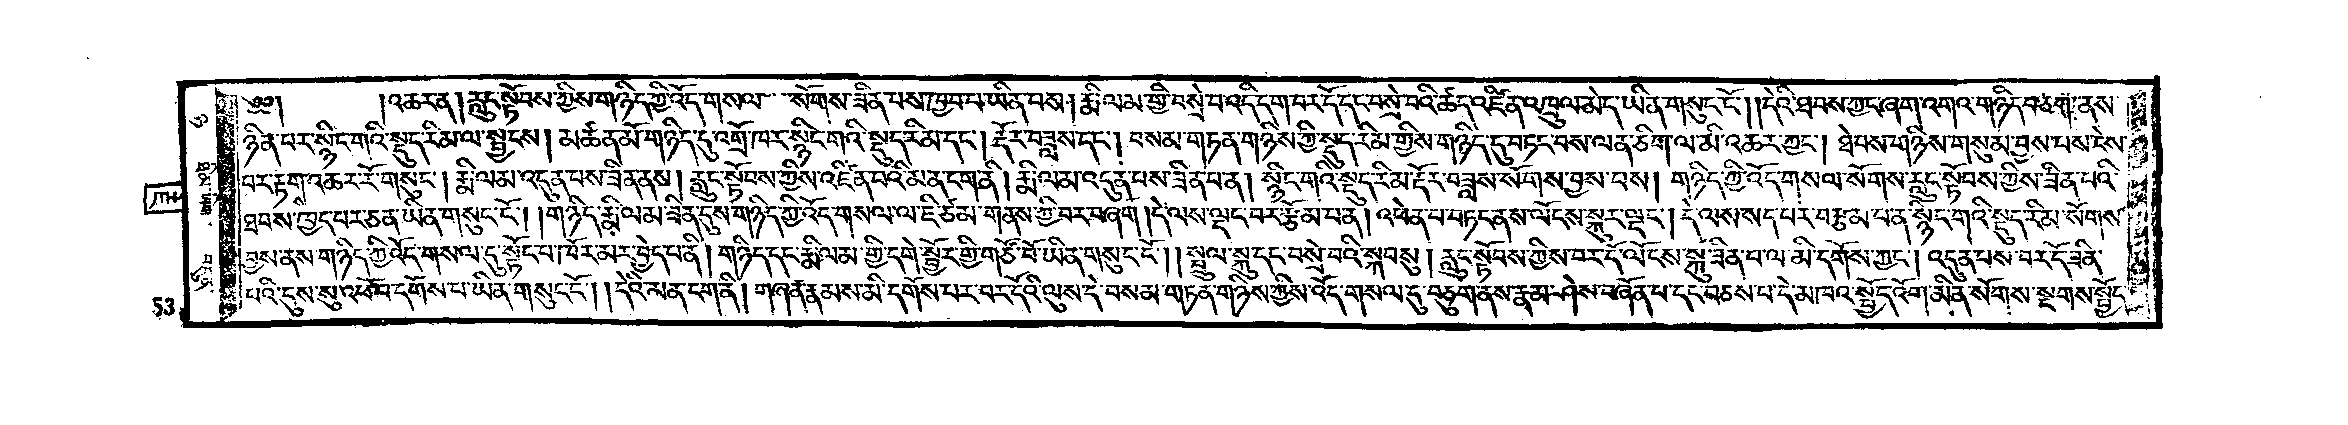༄༅། །འཆར་ན། རླུང་སྟོབས་ཀྱིས་གཉིད་ཀྱི་འོད་གསལ་སོགས་ཟིན་པས་ཁྱབ་པ་ཡིན་པས། རྨི་ལམ་གྱི་བསྲེ་བ་འདི་དག་བར་དོ་དང་བསྲེ་བའི་ཚད་འཛིན་འཁྲུལ་མེད་ཡིན་གསུང་ངོ། །དེའི་ཐབས་ཀྱང་ཞག་འགའ་གཉིད་བཅག་ནས་
ཉིན་པར་སྙིང་གའི་སྡུད་རིམ་ལ་སྦྱངས། མཚན་མོ་གཉིད་དུ་འགྲོ་ཁར་སྙིང་གའི་སྡུད་རིམ་དང་། རྡོར་བཟླས་དང་། བསམ་གཏན་གཉིས་ཀྱི་སྡུད་རིམ་གྱིས་གཉིད་དུ་བཏང་བས་ལན་ཅིག་ལ་མི་འཆར་ཀྱང་། ཐེབས་གཉིས་གསུམ་བྱས་པས་ངེས་
པར་རྟགས་འཆར་རོ་གསུང་། རྨི་ལམ་འདུན་པས་ཟིན་ནས། རླུང་སྟོབས་ཀྱིས་འཛིན་པའི་མན་ངག་ནི། རྨི་ལམ་འདུན་པས་ཟིན་པ་ན། སྙིང་གའི་སྡུད་རིམ་རྡོར་བཟླས་སོགས་བྱས་པས། གཉིད་ཀྱི་འོད་གསལ་སོགས་རླུང་སྟོབས་ཀྱིས་ཟིན་པའི་
ཐབས་ཁྱད་པར་ཅན་ཡིན་གསུང་ངོ། །གཉིད་རྨི་ལམ་ཟིན་དུས་གཉིད་ཀྱི་འོད་གསལ་ལ་ཇི་ཙམ་གནས་ཀྱི་བར་བཞག །དེ་ལས་ལྡང་བར་རྩོམ་པ་ན། འཕེན་པ་བཏང་ནས་ལོངས་སྐུར་ལྡང་། དེ་ལས་སད་པར་བརྩམ་པ་ན་སྙིང་གའི་སྡུད་རིམ་སོགས་
བྱས་ནས་གཉིད་ཀྱི་འོད་གསལ་དུ་སྟོང་པ་ཁོར་མར་བྱེད་པ་ནི། གཉིད་དང་རྨི་ལམ་གྱི་དགེ་སྦྱོར་གྱི་གཙོ་བོ་ཡིན་གསུང་ངོ། །སྤྲུལ་སྐུ་དང་བསྲེ་བའི་སྐབས་སུ། རླུང་སྟོབས་ཀྱིས་བར་དོ་ལོངས་སྐུ་ཟིན་པ་ལ་མི་དགོས་ཀྱང་། འདུན་པས་བར་དོ་ཟིན་
པའི་དུས་སུ་འཕོ་བ་དགོས་པ་ཡིན་གསུང་ངོ། །དེའི་མན་ངག་ནི། གཞན་རྣམས་མི་དགོས་པར་བར་དོའི་ལུས་དེ་བསམ་གཏན་གཉིས་ཀྱིས་འོད་གསལ་དུ་བཅུག་ནས་རྣམ་ཤེས་བཞོན་པ་དང་བཅས་པ་དེ་མཁའ་སྤྱོད་འོག་མིན་སོགས་སྔགས་སྤྱོད་